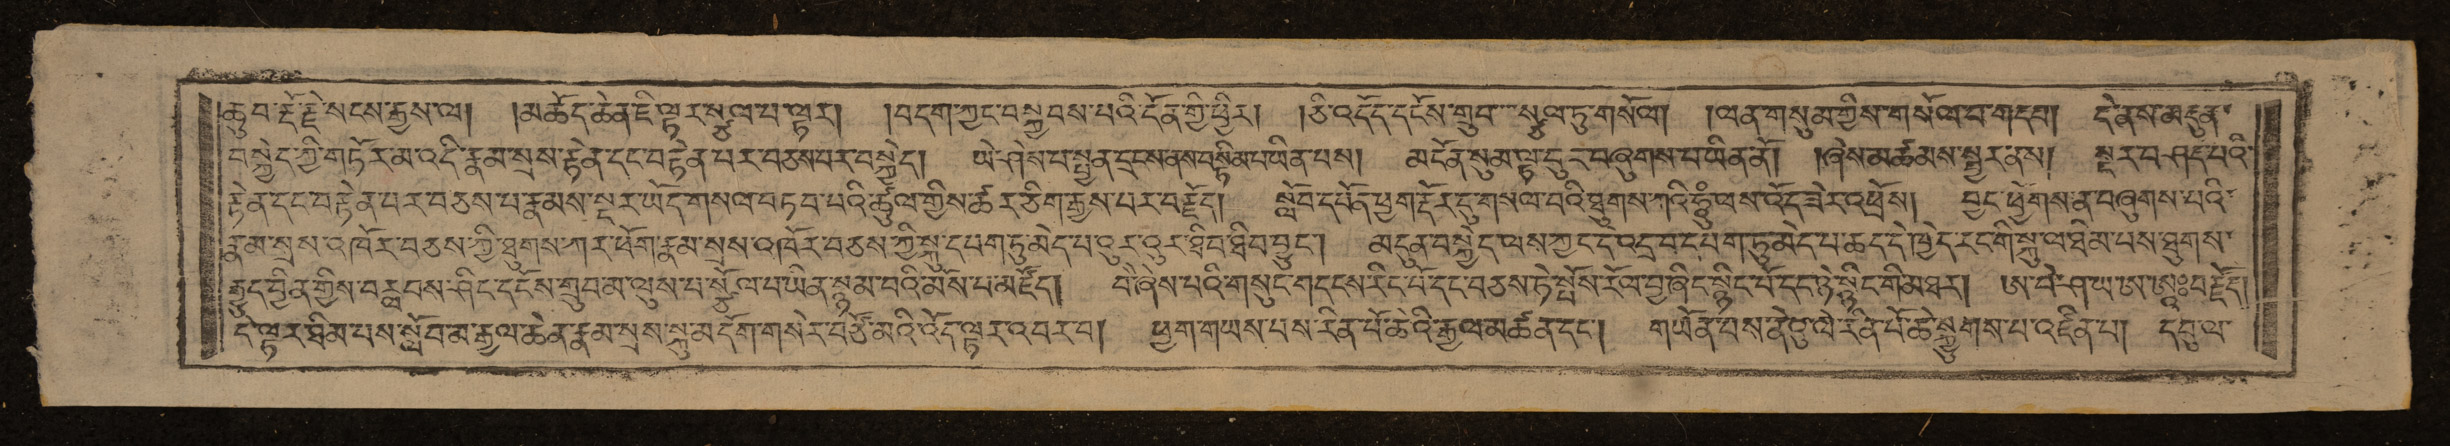ཆུབ་རྡོ་རྗེ་སངས་རྒྱས་ལ། །མཆོད་ཆེན་ཇི་ལྟར་སྩལ་པ་ལྟར། །བདག་ཀྱང་བསྐྱབས་པའི་དོན་གྱི་ཕྱིར། །ཅི་འདོད་དངོས་གྲུབ་སྩལ་དུ་གསོལ། །ལན་གསུམ་གྱིས་གསོལ་བ་གདབ། དེ་ནས་མདུན་
བསྐྱེད་ཀྱི་གཏོར་མ་འདི་རྣམ་སྲས་རྟེན་དང་བརྟེན་པར་བཅས་པར་བསྐྱེད། ཡེ་ཤེས་པ་སྤྱན་དྲངས་ནས་བསྟིམ་པ་ཡིན་པས། མངོན་སུམ་ལྟ་བུར་བཞུགས་པ་ཡིན་ནོ། །ཞེས་མཚམས་སྦྱར་ནས། སྔར་བཤད་པའི་
རྟེན་དང་བརྟེན་པར་བཅས་པ་རྣམས་སྔར་ཡོད་གསལ་བཏབ་པའི་ཚུལ་གྱིས་ཚར་ཅིག་རྒྱས་པར་བརྗོད། སློབ་དཔོན་ཕྱག་རྡོར་དུ་གསལ་བའི་ཐུགས་ཀའི་ཧཱུཾ་ལས་འོད་ཟེར་འཕྲོས། བྱང་ཕྱོགས་ན་བཞུགས་པའི་
རྣམ་སྲས་འཁོར་བཅས་ཀྱི་ཐུགས་ཀར་ཕོག་རྣམ་སྲས་འཁོར་བཅས་ཀྱི་སྐུ་དཔག་ཏུ་མེད་པ་འུར་འུར་ཐིབ་ཐིབ་བྱུང་། མདུན་བསྐྱེད་ལས་ཀྱང་དེ་འདྲ་བ་དཔག་ཏུ་མེད་པ་ཆད་དེ་ཁྱེད་རང་གི་སྐུ་ལ་ཐིམ་པས་ཐུགས་
རྒྱུད་བྱིན་གྱིས་བརླབས་ཤིང་དངོས་གྲུབ་མ་ལུས་པ་སྩོལ་པ་ཡིན་སྙམ་བའི་མོས་པ་མཛོད། བཻ་ཞེས་པའི་གསུང་གདངས་རིང་པོ་དང་བཅས་ཏེ་སྤོས་རོལ་བྱ་ཞིང་སྙིང་པོ་དང་ཉེ་སྙིང་གི་མཐར། ཨ་བེ་ཤ་ཡ་ཨ་ཨཱཿབརྗོད།
དེ་ལྟར་ཐིམ་པས་སློབ་མ་རྒྱལ་ཆེན་རྣམ་སྲས་སྐུ་མདོག་གསེར་བཙོ་མའི་འོད་ལྟར་འབར་བ། ཕྱག་གཡས་པས་རིན་པོ་ཆེའི་རྒྱལ་མཚན་དང་། གཡོན་པས་ནེའུ་ལེ་རིན་པོ་ཆེ་སྐྱུགས་པ་འཛིན་པ། དབུ་ལ་